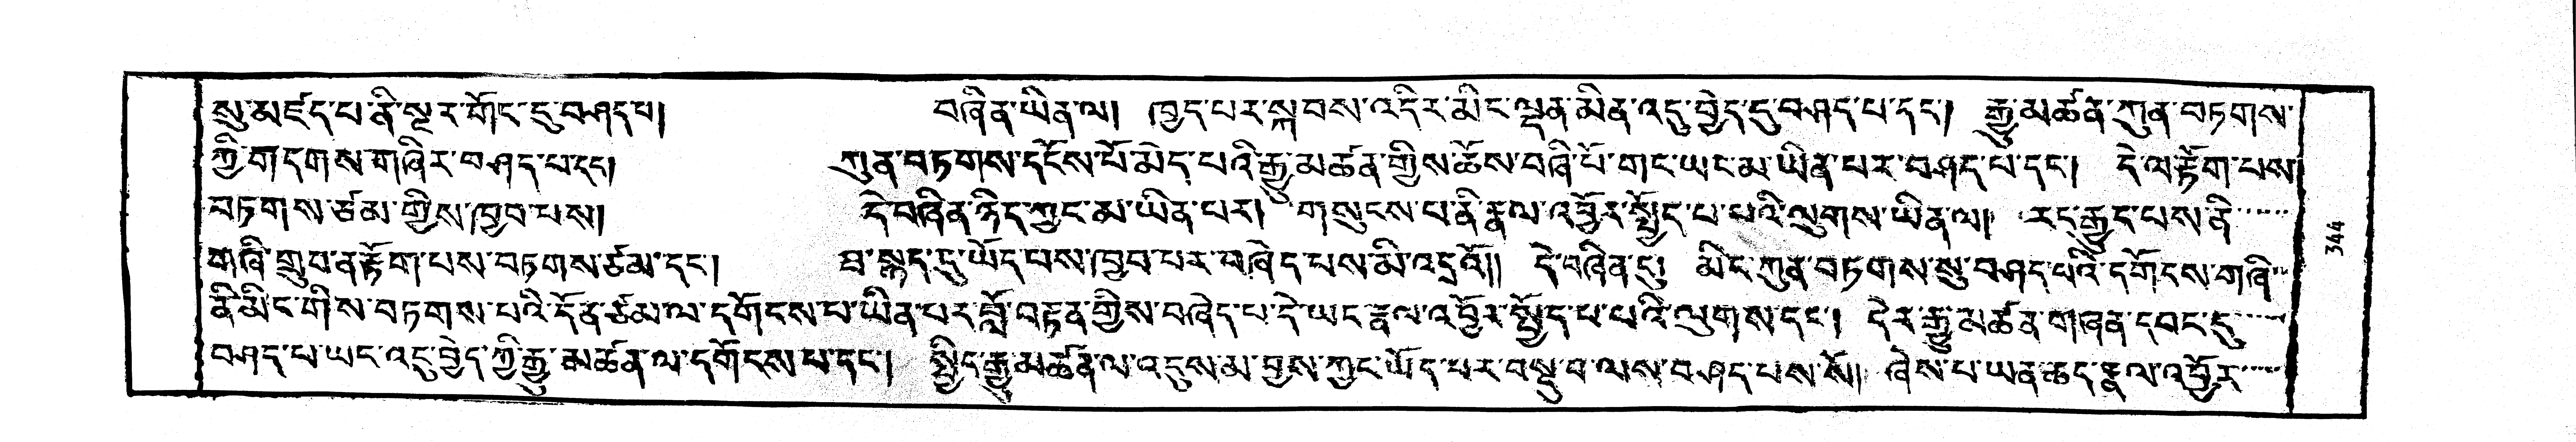སུ་མཛད་པ་ནི་སྔར་གོང་དུ་བཤད་པ། བཞིན་ཡིན་ལ། ཁྱད་པར་སྐབས་འདིར་མིང་ལྡན་མིན་འདུ་བྱེད་དུ་བཤད་པ་དང་། རྒྱུ་མཚན་ཀུན་བཏགས་
ཀྱི་གདགས་གཞིར་བཤད་པ་དང་། ཀུན་བཏགས་དངོས་པོ་མེད་པའི་རྒྱུ་མཚན་གྱིས་ཆོས་བཞི་པོ་གང་ཡང་མ་ཡིན་པར་བཤད་པ་དང་། དེ་ལ་རྟོག་པས་
བཏགས་ཙམ་གྱིས་ཁྱབ་པས། དེ་བཞིན་ཉིད་ཀྱང་མ་ཡིན་པར། གསུངས་པ་ནི་རྣལ་འབྱོར་སྤྱོད་པ་པའི་ལུགས་ཡིན་ལ། རང་རྒྱུད་པས་ནི་
གཞི་གྲུབ་ན་རྟོག་པས་བཏགས་ཙམ་དང་། ཐ་སྙད་དུ་ཡོད་པས་ཁྱབ་པར་བཞེད་པས་མི་འདྲའོ། །དེ་བཞིན་དུ། མིང་ཀུན་བཏགས་སུ་བཤད་པའི་དགོངས་གཞི་
ནི་མིང་གིས་བཏགས་པའི་དོན་ཙམ་ལ་དགོངས་པ་ཡིན་པར་བློ་བརྟན་གྱིས་བཞེད་པ་དེ་ཡང་རྣལ་འབྱོར་སྤྱོད་པ་པའི་ལུགས་དང་། དེར་རྒྱུ་མཚན་གཞན་དབང་དུ་
བཤད་པ་ཡང་འདུ་བྱེད་ཀྱི་རྒྱུ་མཚན་ལ་དགོངས་པ་དང་། སྤྱིད་རྒྱུ་མཚན་ལ་འདུས་མ་བྱས་ཀྱང་ཡོད་པར་བསྡུ་བ་ལས་བཤད་པས་སོ། །ཞེས་པ་ཡན་ཆད་རྣལ་འབྱོར་